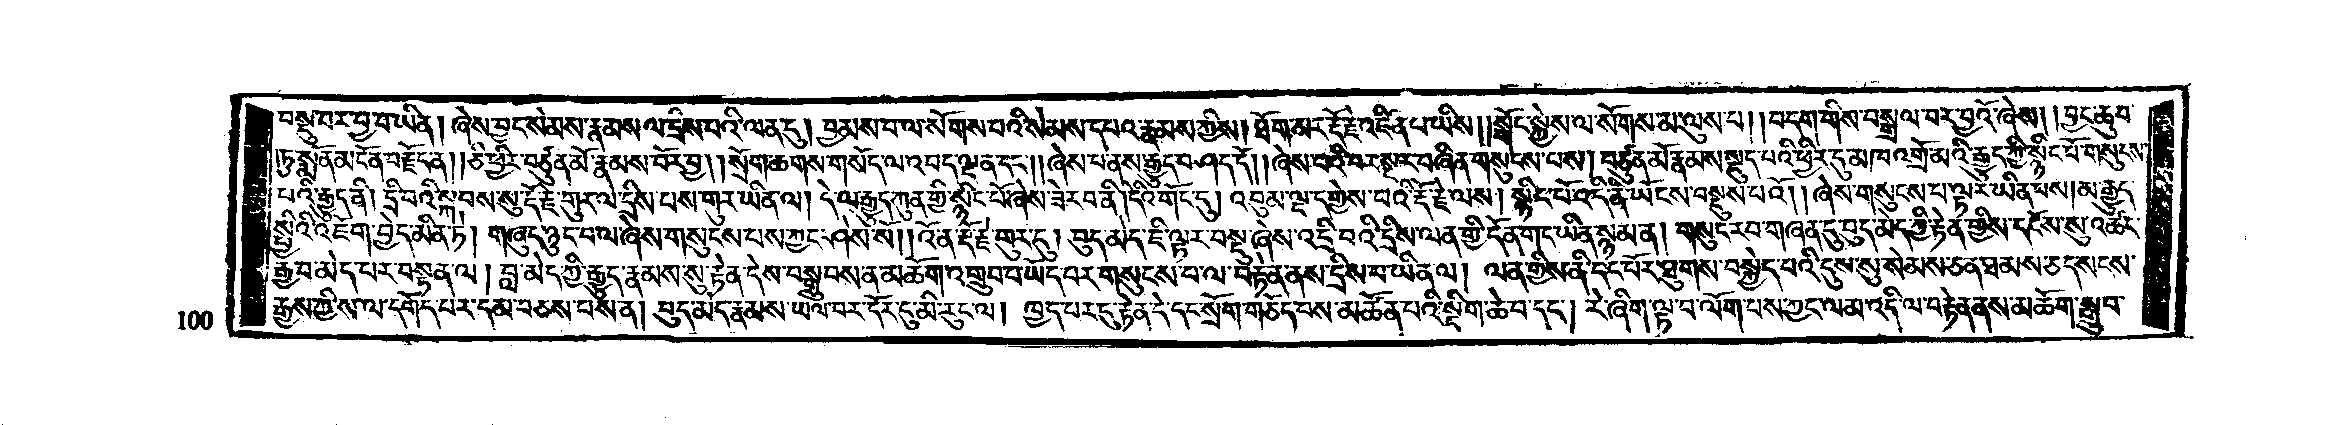བསྡུ་བར་བྱ་བ་ཡིན། ཞེས་བྱང་སེམས་རྣམས་ལ་དྲིས་པའི་ལན་དུ། བྱམས་པ་ལ་སོགས་པའི་སེམས་དཔའ་རྣམས་ཀྱིས། ཐོག་མར་རྡོ་རྗེ་འཛིན་པ་ཡིས། །སྒོང་སྐྱེས་ལ་སོགས་མ་ལུས་པ། །བདག་གིས་བསྒྲལ་བར་བྱའོ་ཞེས། །བྱང་ཆུབ་
ཏུ་སྨོན་མངོན་བརྗོད་ན། །ཅི་ཕྱིར་བཙུན་མོ་རྣམས་བོར་བྱ། །སྲོག་ཆགས་གསོད་ལ་འབད་ལྡན་དང་། །ཞེས་པ་ནས་རྒྱུད་བཤད་དོ། །ཞེས་པའི་བར་སྔར་བཞིན་གསུངས་པས། བཙུན་མོ་རྣམས་སྡུད་པའི་ཕྱིར་དུ་མཁའ་འགྲོ་མའི་རྒྱུད་ཀྱི་སྙིང་པོ་གསུངས་
པའི་རྒྱུད་ནི། དྲི་བའི་སྐབས་སུ་རྡོ་རྗེ་གུར་ལ་དྲིས་པས་གུར་ཡིན་ལ། དེ་ལ་རྒྱུད་ཀུན་གྱི་སྙིང་པོ་ཞེས་ཟེར་བ་ནི། དེའི་གོང་དུ། འབུམ་ལྔ་དགྱེས་པའི་རྡོ་རྗེ་ལས། སྙིང་པོ་འདི་ནི་ཡོངས་བསྡུས་པའོ། །ཞེས་གསུངས་པ་ལྟར་ཡིན་པས། མ་རྒྱུད་
སྤྱིའི་འཇོག་བྱེད་མིན་ཏེ། གཞུང་ཉུང་བ་ལ་ཞེས་གསུངས་པས་ཀྱང་ཤེས་སོ། །འོ་ན་རྡོ་རྗེ་གུར་དུ། བུད་མེད་ཇི་ལྟར་བསྡུ་ཞེས་འདྲི་བའི་དྲིས་ལན་གྱི་དོན་གང་ཡིན་སྙམ་ན། གསུང་རབ་གཞན་དུ་བུད་མེད་ཀྱི་རྟེན་གྱིས་དངོས་སུ་འཚང་
རྒྱ་བ་མེད་པར་བསྟན་ལ། བླ་མེད་ཀྱི་རྒྱུད་རྣམས་སུ་རྟེན་དེས་བསྒྲུབས་ན་མཆོག་འགྲུབ་པ་ཡོད་པར་གསུངས་པ་ལ་བརྟེན་ནས་དྲིས་པ་ཡིན་ལ། ལན་གྱིས་ནི་དང་པོར་ཐུགས་བསྐྱེད་པའི་དུས་སུ་སེམས་ཅན་ཐམས་ཅད་སངས་
རྒྱས་ཀྱི་ས་ལ་དགོད་པར་དམ་བཅས་པས་ན། བུད་མེད་རྣམས་ཡལ་བར་དོར་དུ་མི་རུང་ལ། ཁྱད་པར་དུ་རྟེན་དེ་དང་སྲོག་གཅོད་པས་མཚོན་པའི་སྡིག་ཆེ་བ་དང་། རེ་ཞིག་ལྟ་བ་ལོག་པས་ཀྱང་ལམ་འདི་ལ་བརྟེན་ནས་མཆོག་སྒྲུབ་